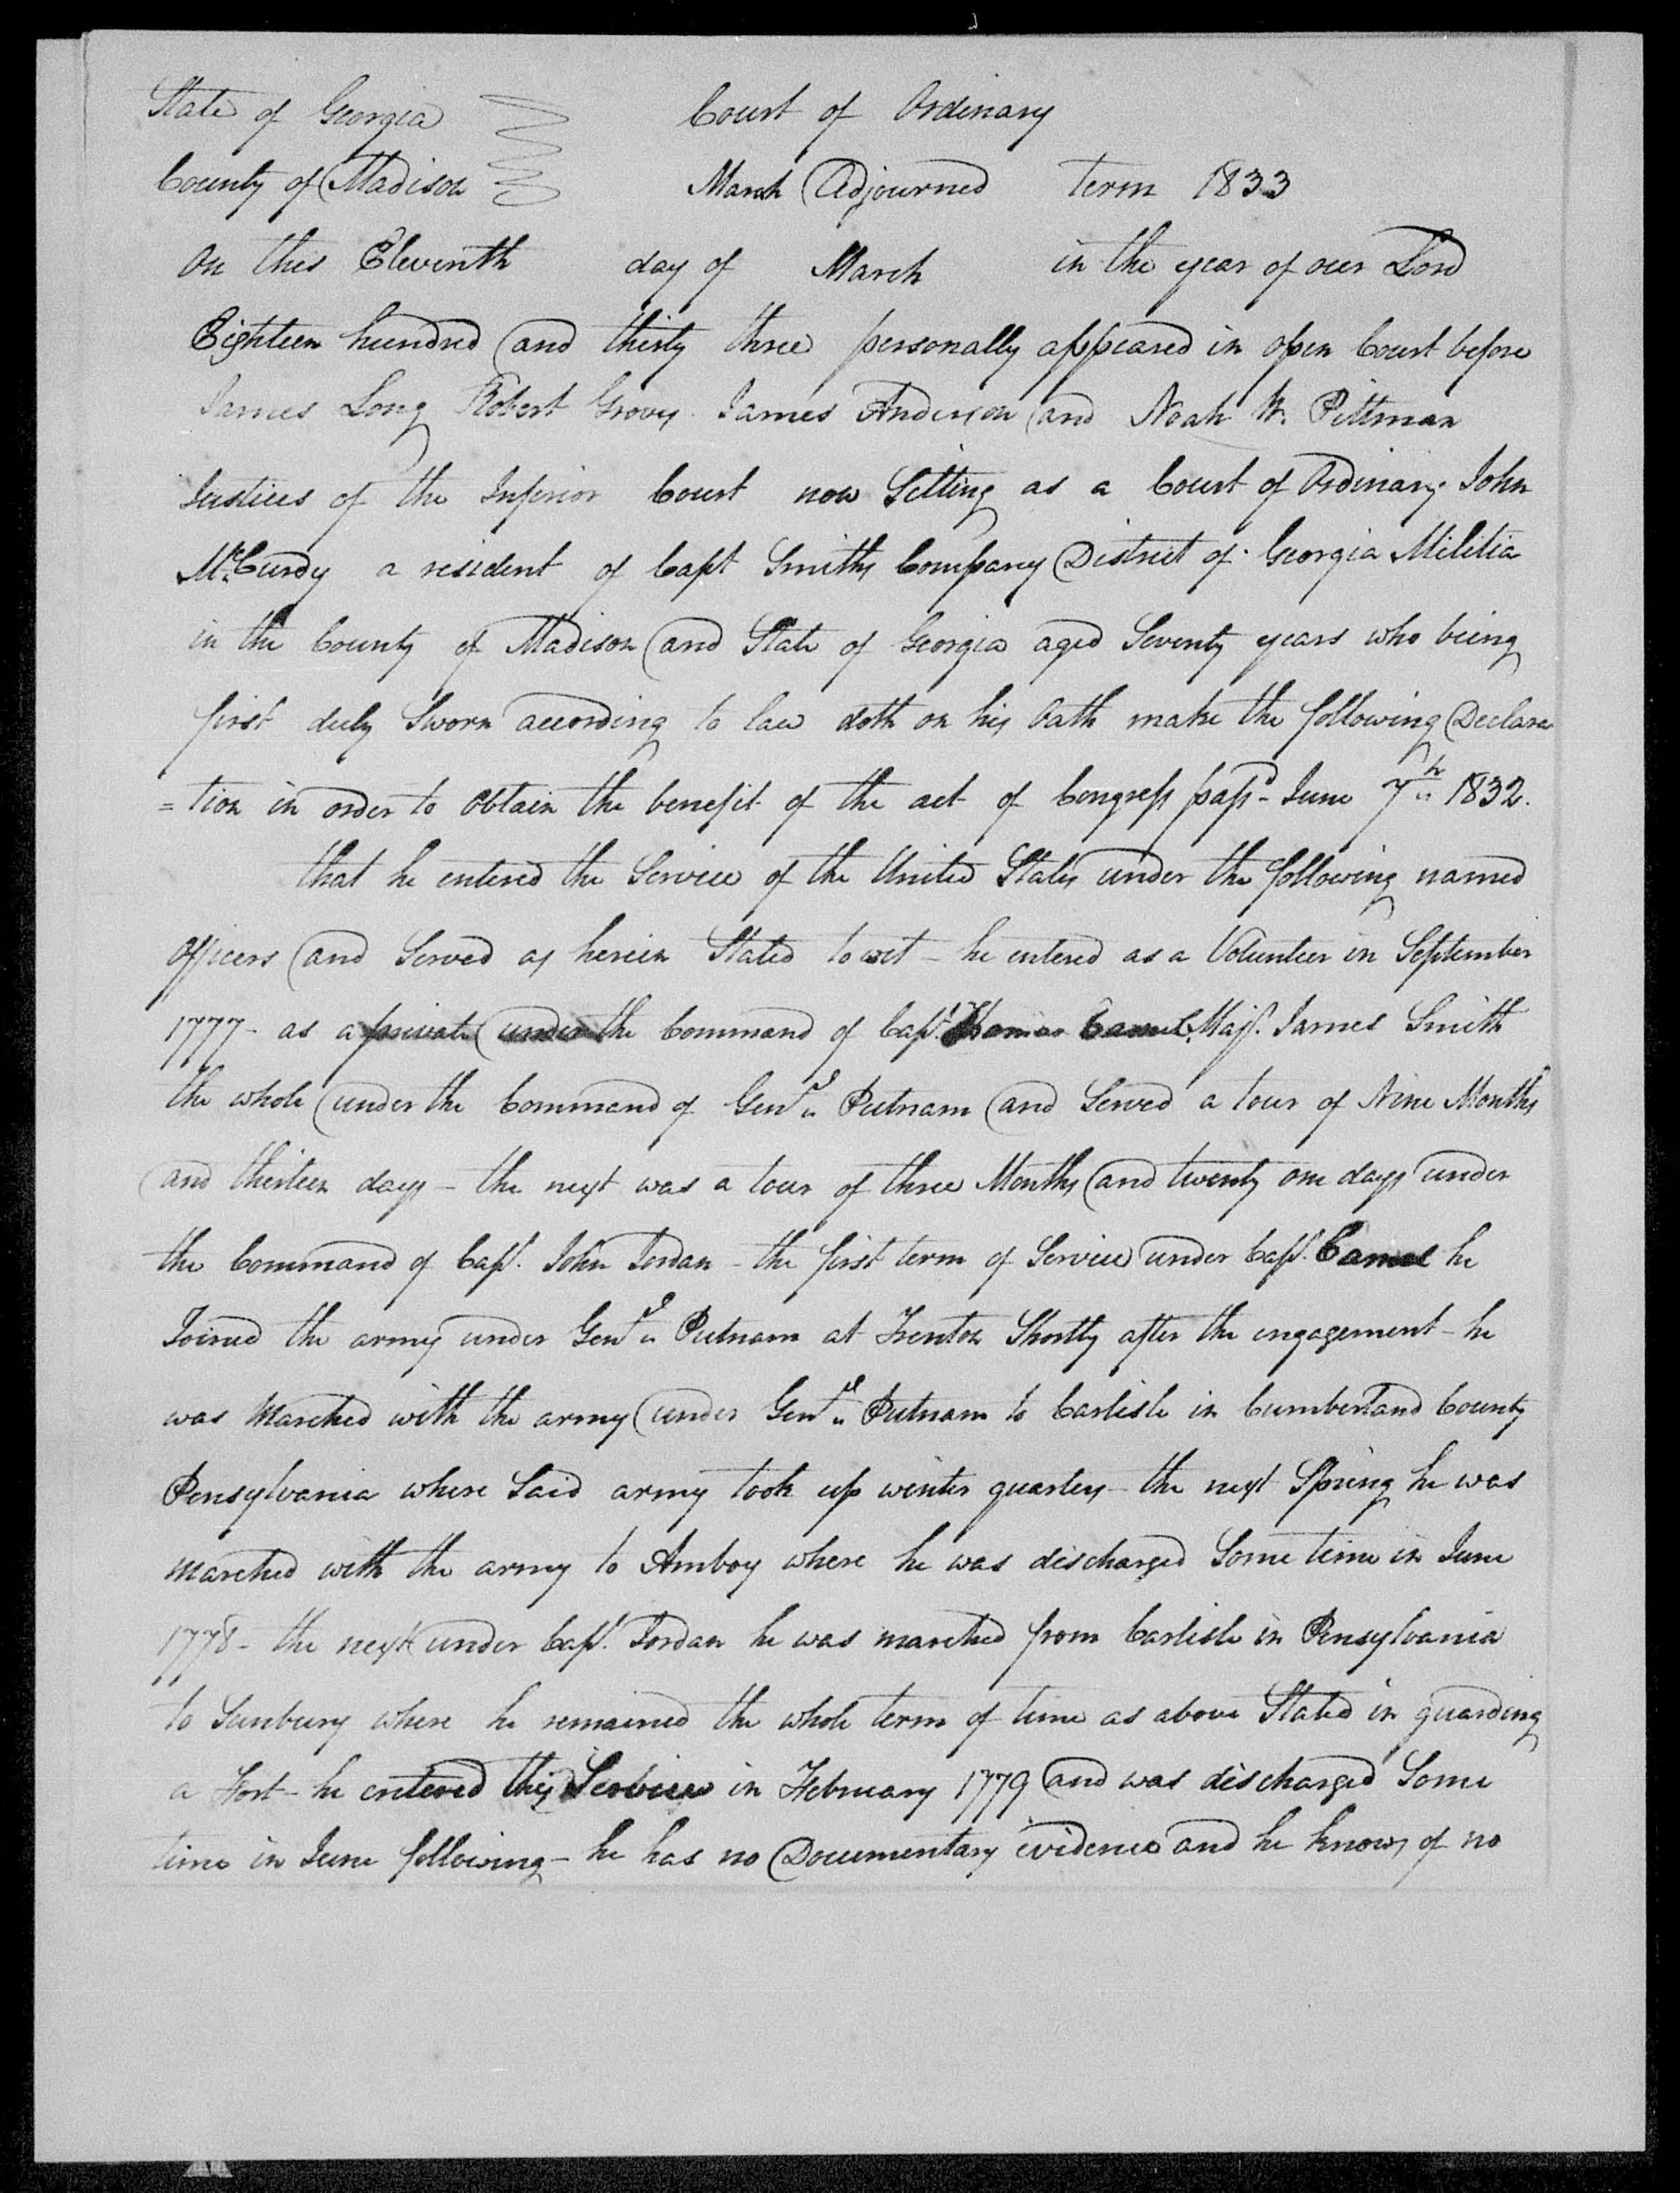State of Georgia       Court of Ordinary
County of Madison   March Adjourned Term 1833

On this Eleventh day of March in the year of our Lord Eighteen hundred and thirty three personally appeared in open court before James Long, Robert Grovy, James Anderson and Noah Pittman justices of the inferior court no sitting as a Court of Ordinary. John McGundy a resident of Capt. Smiths Company District of Georgia Militia in the County of Madison and State of Georgia aged seventy years who being first duly sworn according to law on his oath make the following Declaration in order to obtain the benefit of the act of Congress June 1832 that he entered the Service of the United States under the following named officers and issued as herein states to wit - he entered as a volunteer in September 1777 as a private under the command of Gen. Putnam and served a tour of nine months and thirteen days - the next was a tour of three months and twenty one days under the command of Capt, John Jordan - the first term of service under Capt. Camel he joined the army under Gen. Putnam at Trenton shortly after the engagement he was marched with the army under Gen Putnam to Carlisle in Cumberland County Pennsylvania where said army took up winter quarters. the next spring he was marched with the army to Amboy where he was discharged some time in June 1778. The next under Capt. Jordan(?) he was marched from Carlisle in Pennsylvania to Lanbury where he remained the whole term of tine as above states in guarding a fort he entered the service in February 1779 and was discharged some time in June following - he has no documentary evidence and he knows of no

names: James Anderson; John Jordan; [BLANK] Putnam; James Smith; Thomas Camel; Noah W Pittman; Robert Groves; John Mc Curdy; James Long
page: 3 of 19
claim: survivor's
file: S. 31,855, for John Mc Curdy, Pennsylvania